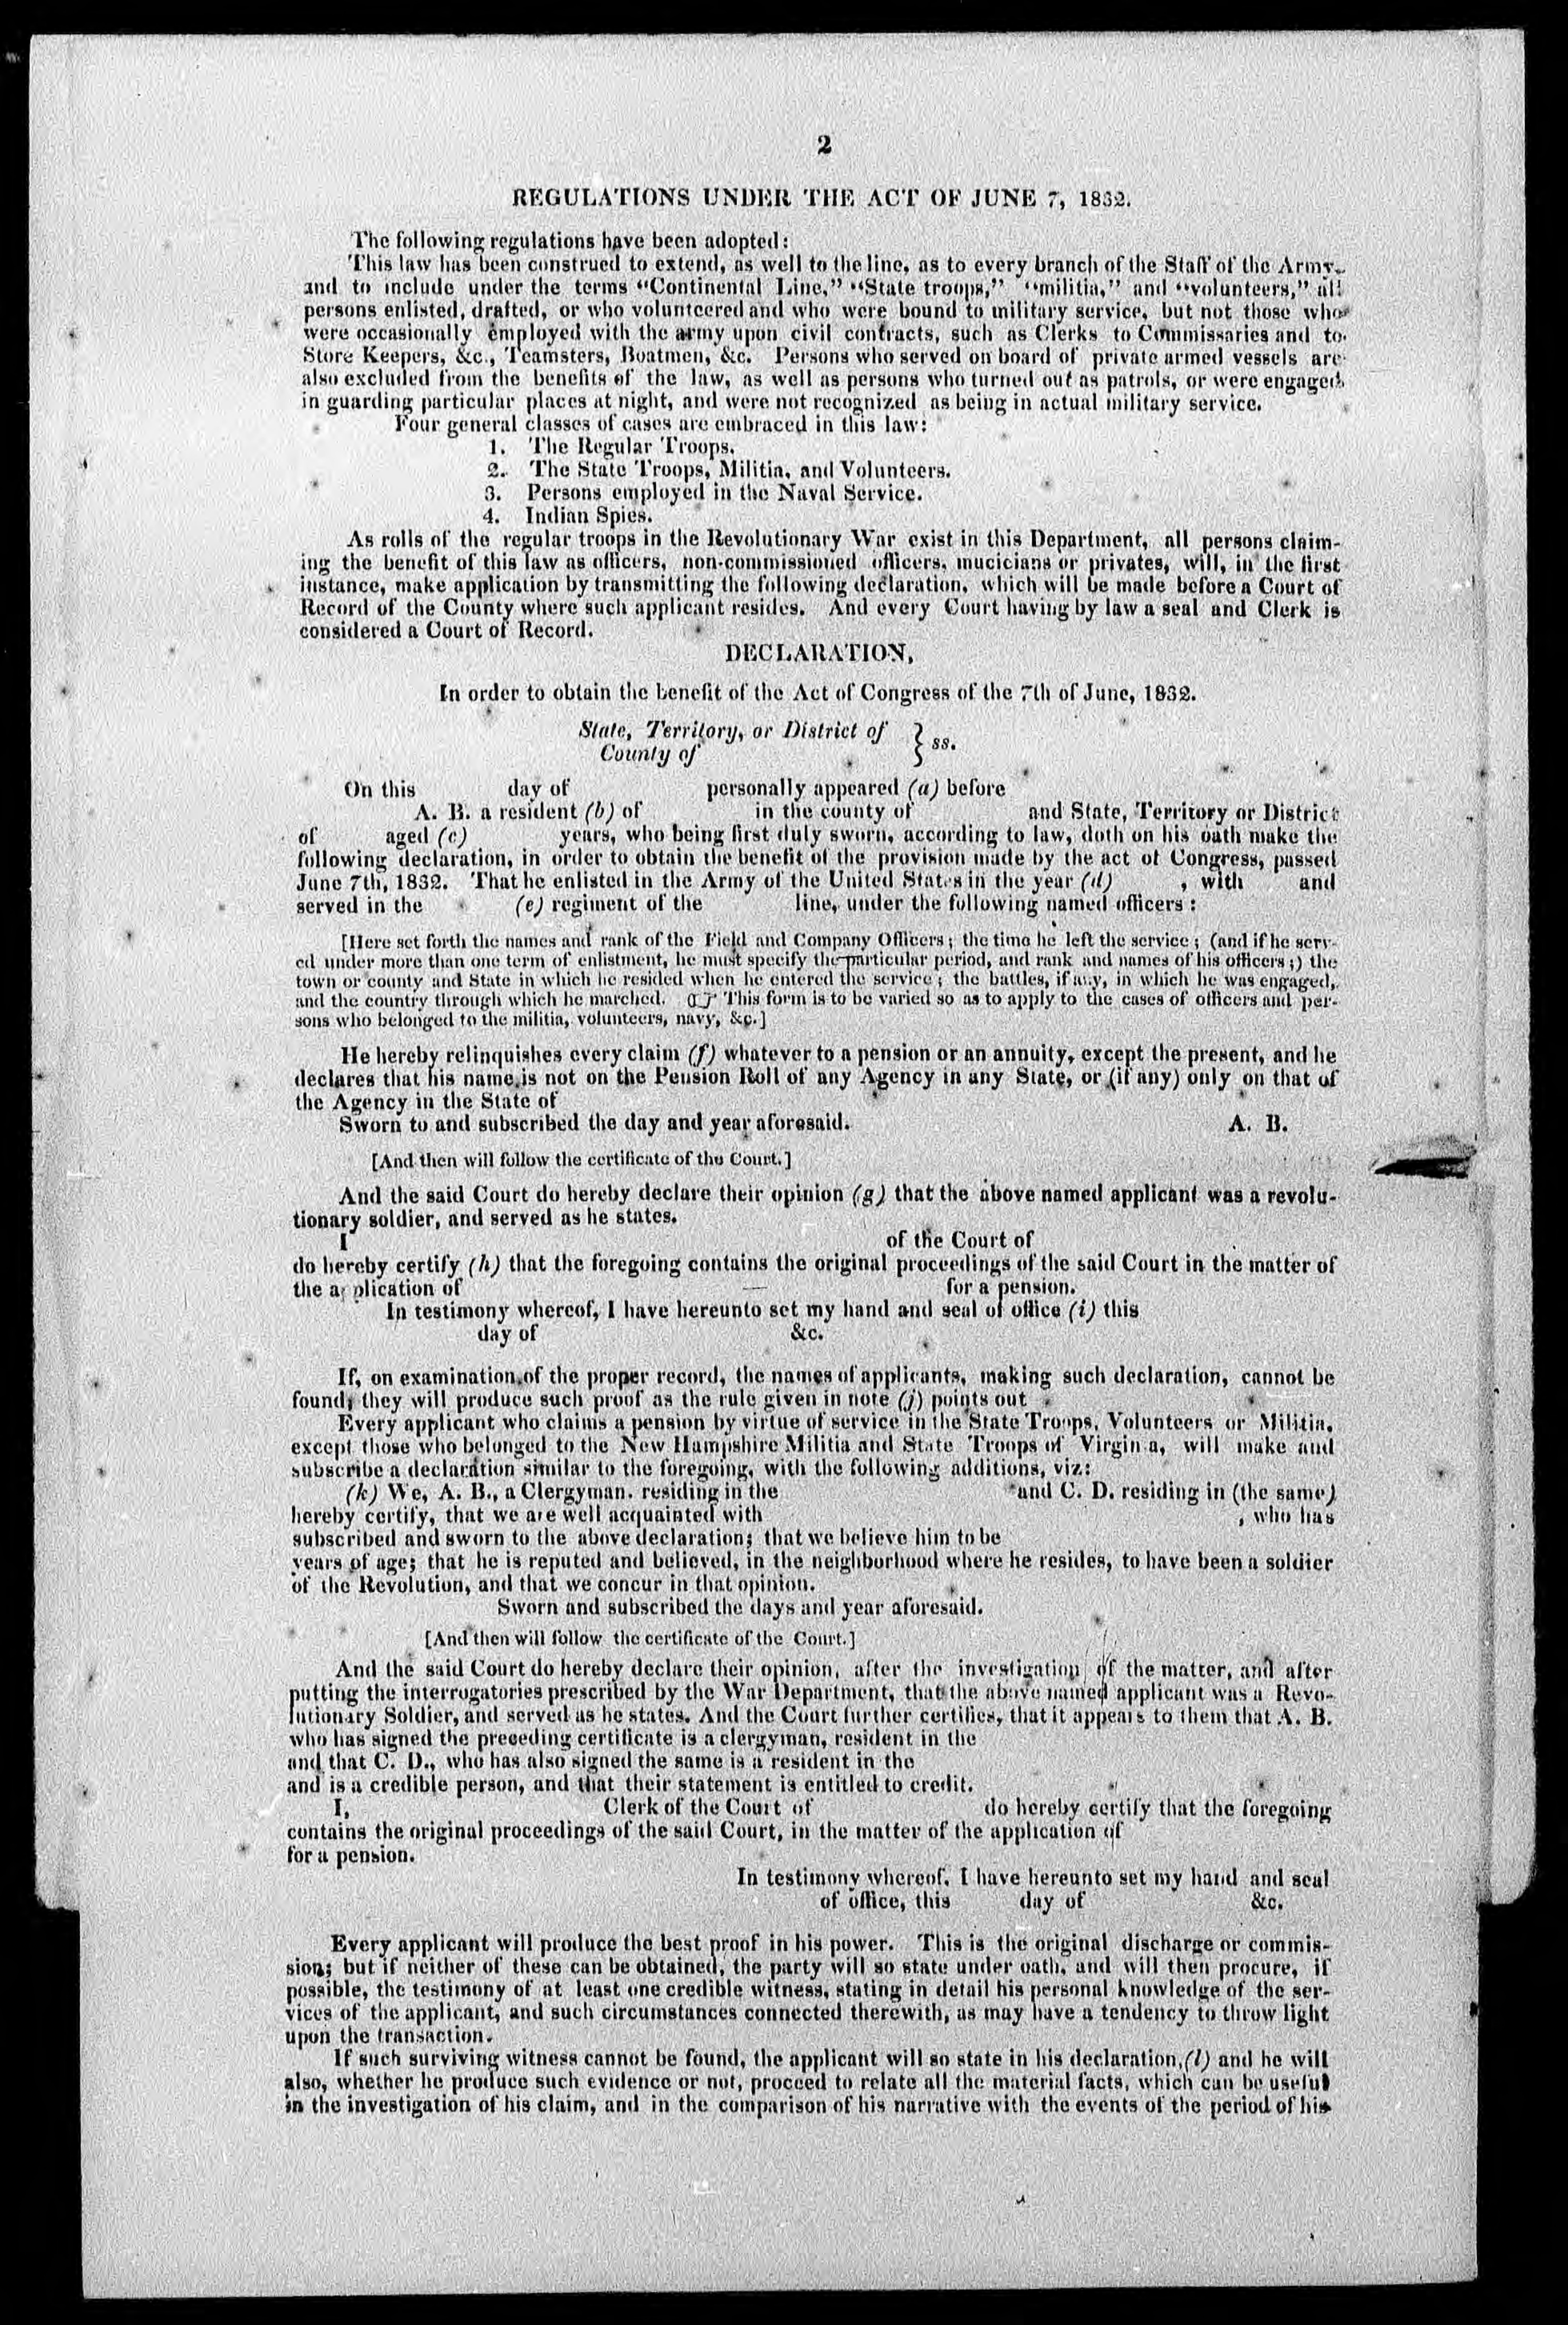2

REGULATIONS UNDER THE ACT OF JUNE 7, 1832
The following regulations have been adopted: 
This law has been construed to extend, as well to the line, as to every branch of the Staff of the Army and to include under the terms "Continental Line," "State troops," "militia," and "volunteers," all persons enlisted, drafted, or who volunteers and who were bound to military service, but not those who were occasionally employed with the army upon civil contracts, such as Clerks to Commissaries and to Store Keepers, &c, Teamsters, Boatmen, &c. Persons who served on board of private armed vessels are also excluded from the benefits of the law, as well as persons who turned out as patrols, or were engaged in guarding particular places at night, and were not recognized as being in actual military service.
Four general classes of cases are embraced in this law: 
1. The Regular Troops
2. The State Troops, Militia, and Volunteers
3. Persons employed in the Naval Service.
4. Indian Spies. 
As rolls of the regular troops in the Revolutionary War exist in this Department, all persons claiming the benefit of this law as officers., non-commissioned officers, mucicians or privates, will, in the first instance, make application by transmitting the following declaration, which will be made before a Court of Record of the County where such applicant resides. And every Court having by law a seal and Clerk is considered a Court of Record.
DECLARATION,
In order to obtain the benefit of the Act of Congress of the 7th of June, 1832.
State, Territory, or District of } ss
County of }
On this day of personally appeared (a) before
A. B. a resident (b) of in the country of and State, Territory or District of aged (c) years, who being first duty sworn, according to law, doth on his oath make the following declaration, in order to obtain the benefit of the provision made by the act of Congress, passed June 7th, 1832. That he enlisted in the Army of the United States in the year (d) , with and served in the (e) regiment of the line, under the following named officers:
[Here set forth the names and ranks of the Field and Company Officers; the time he left the service; (and if he served under more than one term of enlistment, he must specify the particular period, and rank and names of his officers;) the town or county and State in which he resided when entered the service; the battles, if any, in which he was engaged, and the country through which he marched. This form is to be varied so as to apply to the cases of officers and persons who belonged to the militia, volunteers, navy, &c.]
He hereby relinquishes every claim (f) whatever to a pension or an annuity, except the present, and he declares that his name, is not on the Pension Roll of ant Agency in any State, or (if any) only on that of the Agency in the State of 
Sworn to and subscribed the day and year aforesaid.
[And then will follow the certificate of the Court]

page: 7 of 52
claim: survivor's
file: S 17997, Nicholas Hawwawas, Mass.